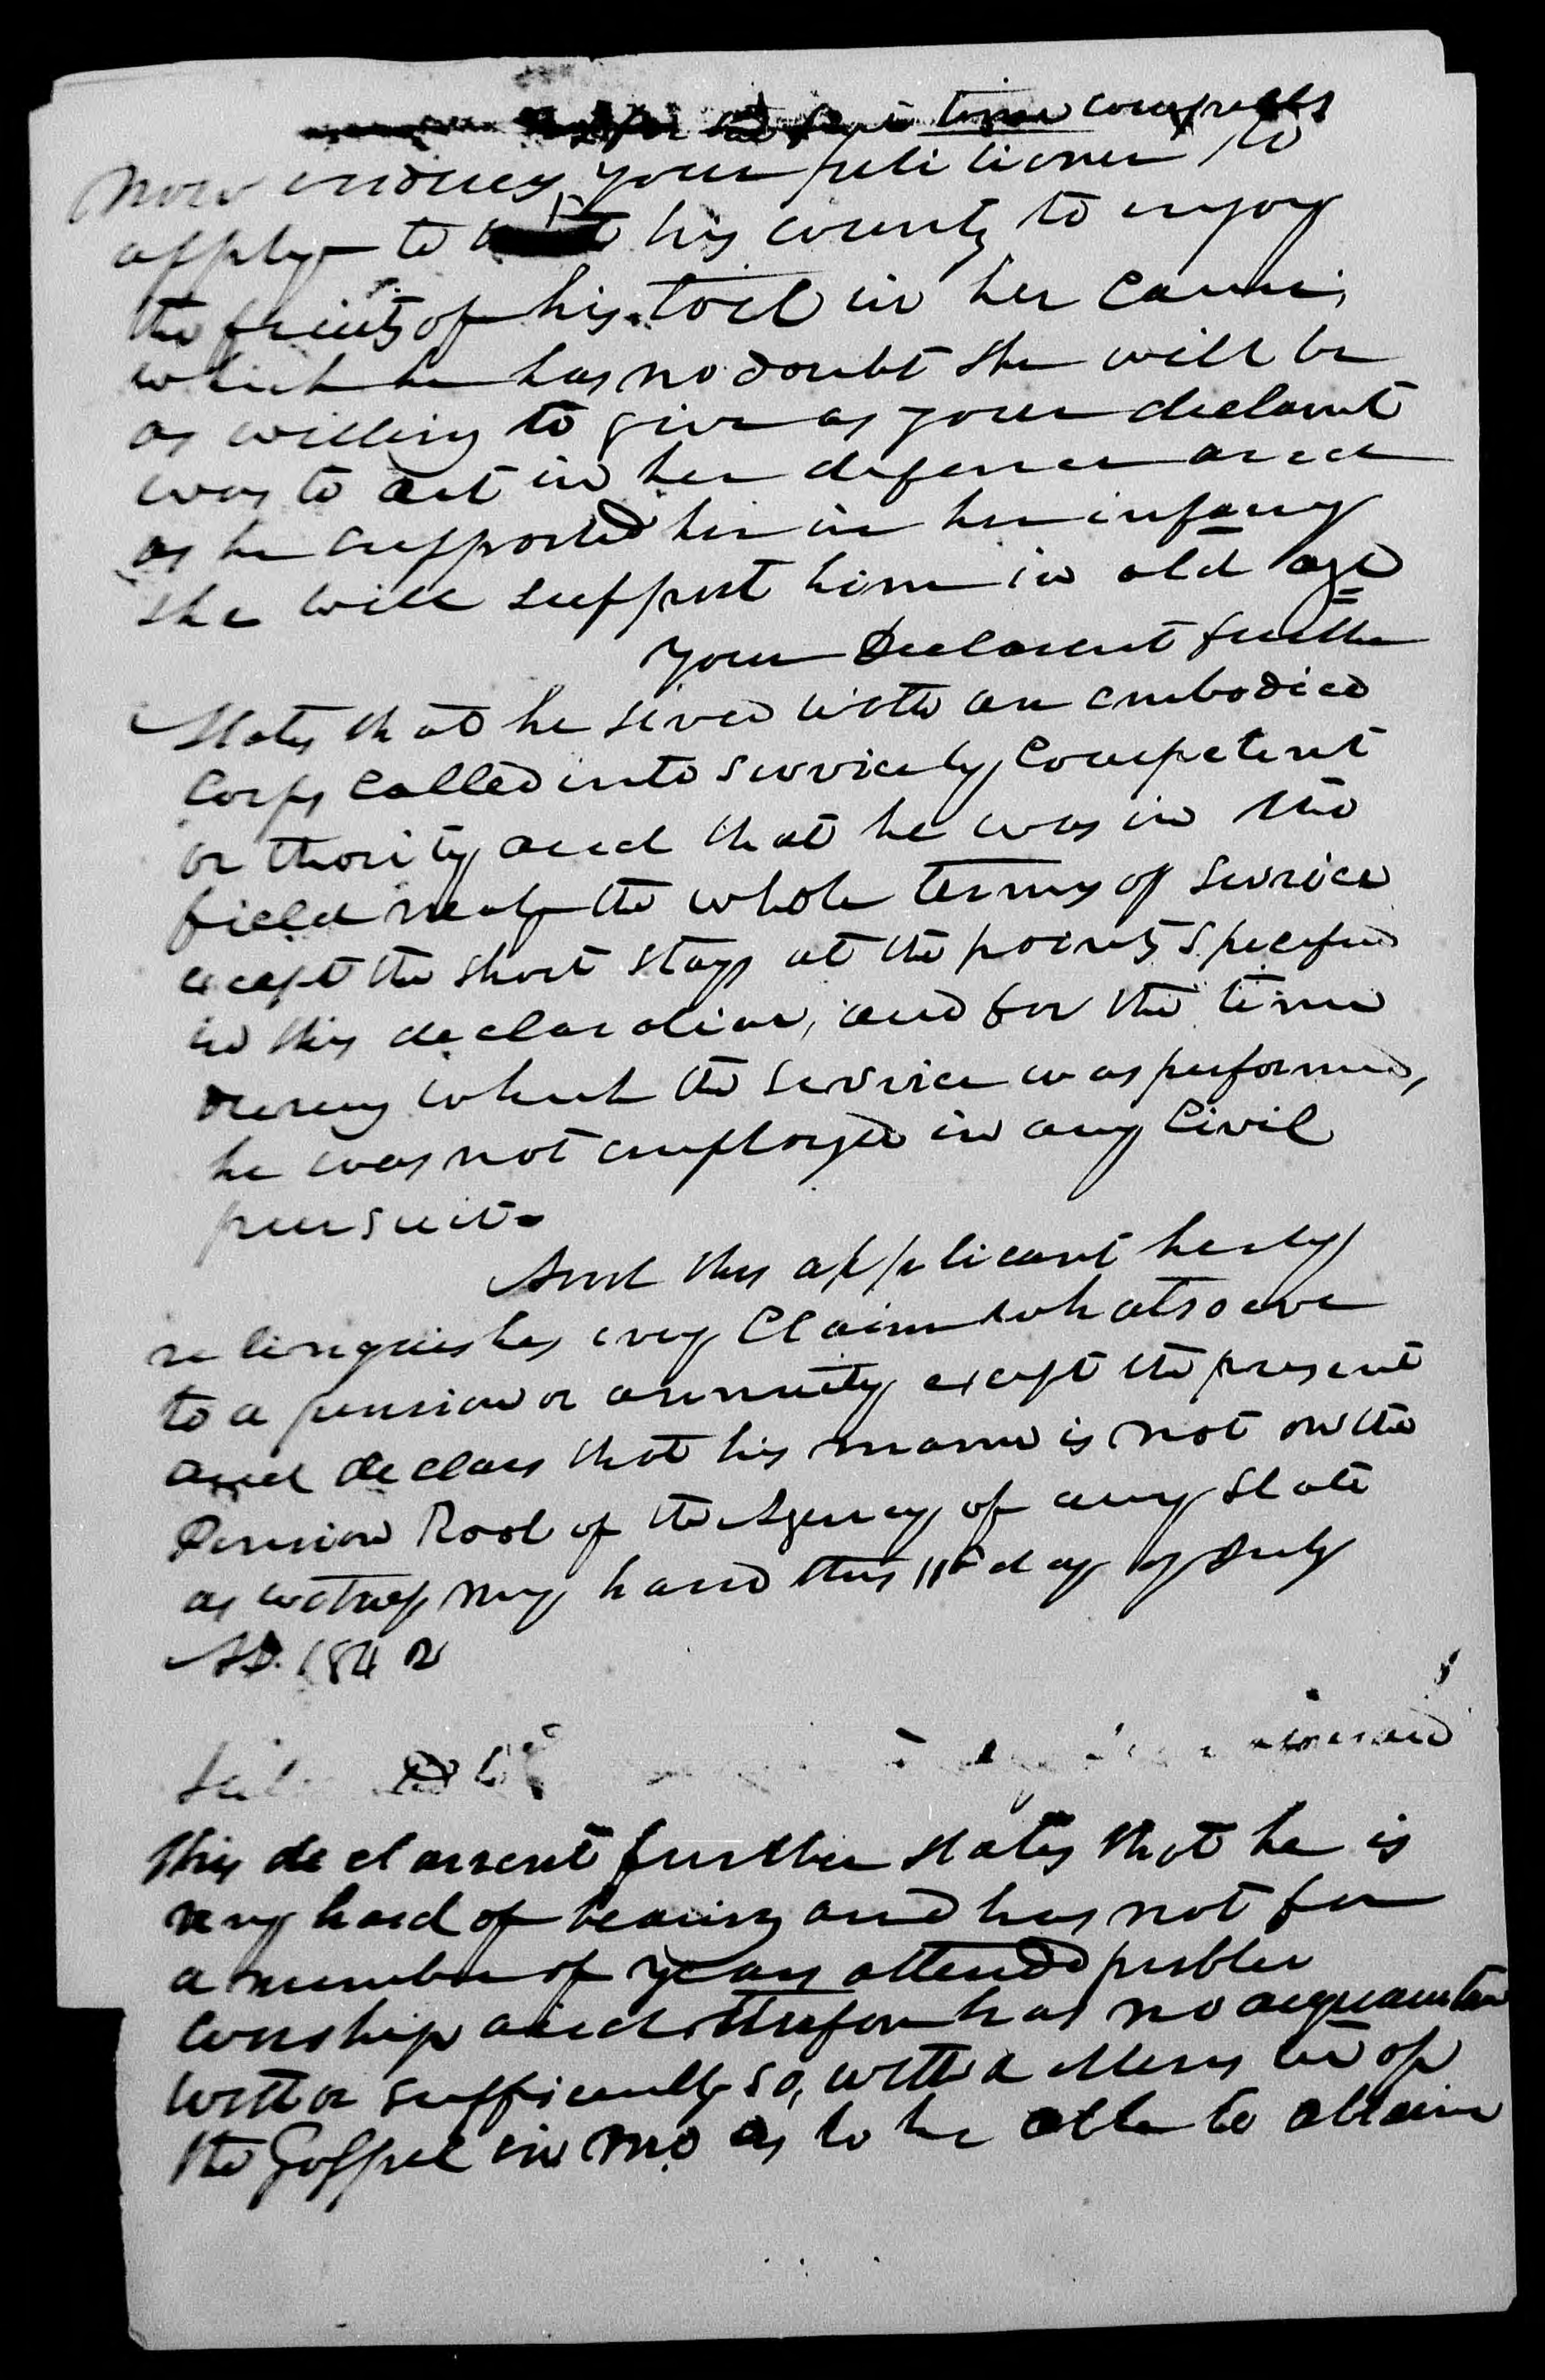[ink-smudged][illegible] now induces your petitioner to apply to [ink-smudged][illegible] his county to enjoy the fruits of his toil in her came [name?]; which he has no doubt she will be as willing to give as your declarent was to act in her defence and as he supported her in her [underlined] infancy she will support him in [underlined] old age.
Your declarent further states that he served with an embodied corps called into service by competent orthority [authority] and that he was in this field nealy [nearly] the whole terms of service except the short stays at the points specified in this declaration, and for the time during which he the service was as performed, he was not employed in any civil pursuit.
And this applicant hereby has relinquishes every claim whatsoever to a pension or [illegible] except the present aged declares that his name is not on the Pension Rool [roll] of the Agency of any state as with by my hand this 11th day of July S.D. 1842.
[illegible]
This declarent further states that he is very hard of hearing and has not for a number of years attended public worship and therefore has no acquaintance with or sufficiently so, with a member or of the Gospel in mo as to be able to obtain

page: 11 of 18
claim: survivor's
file: S. 15,846, James Fugate, Va.